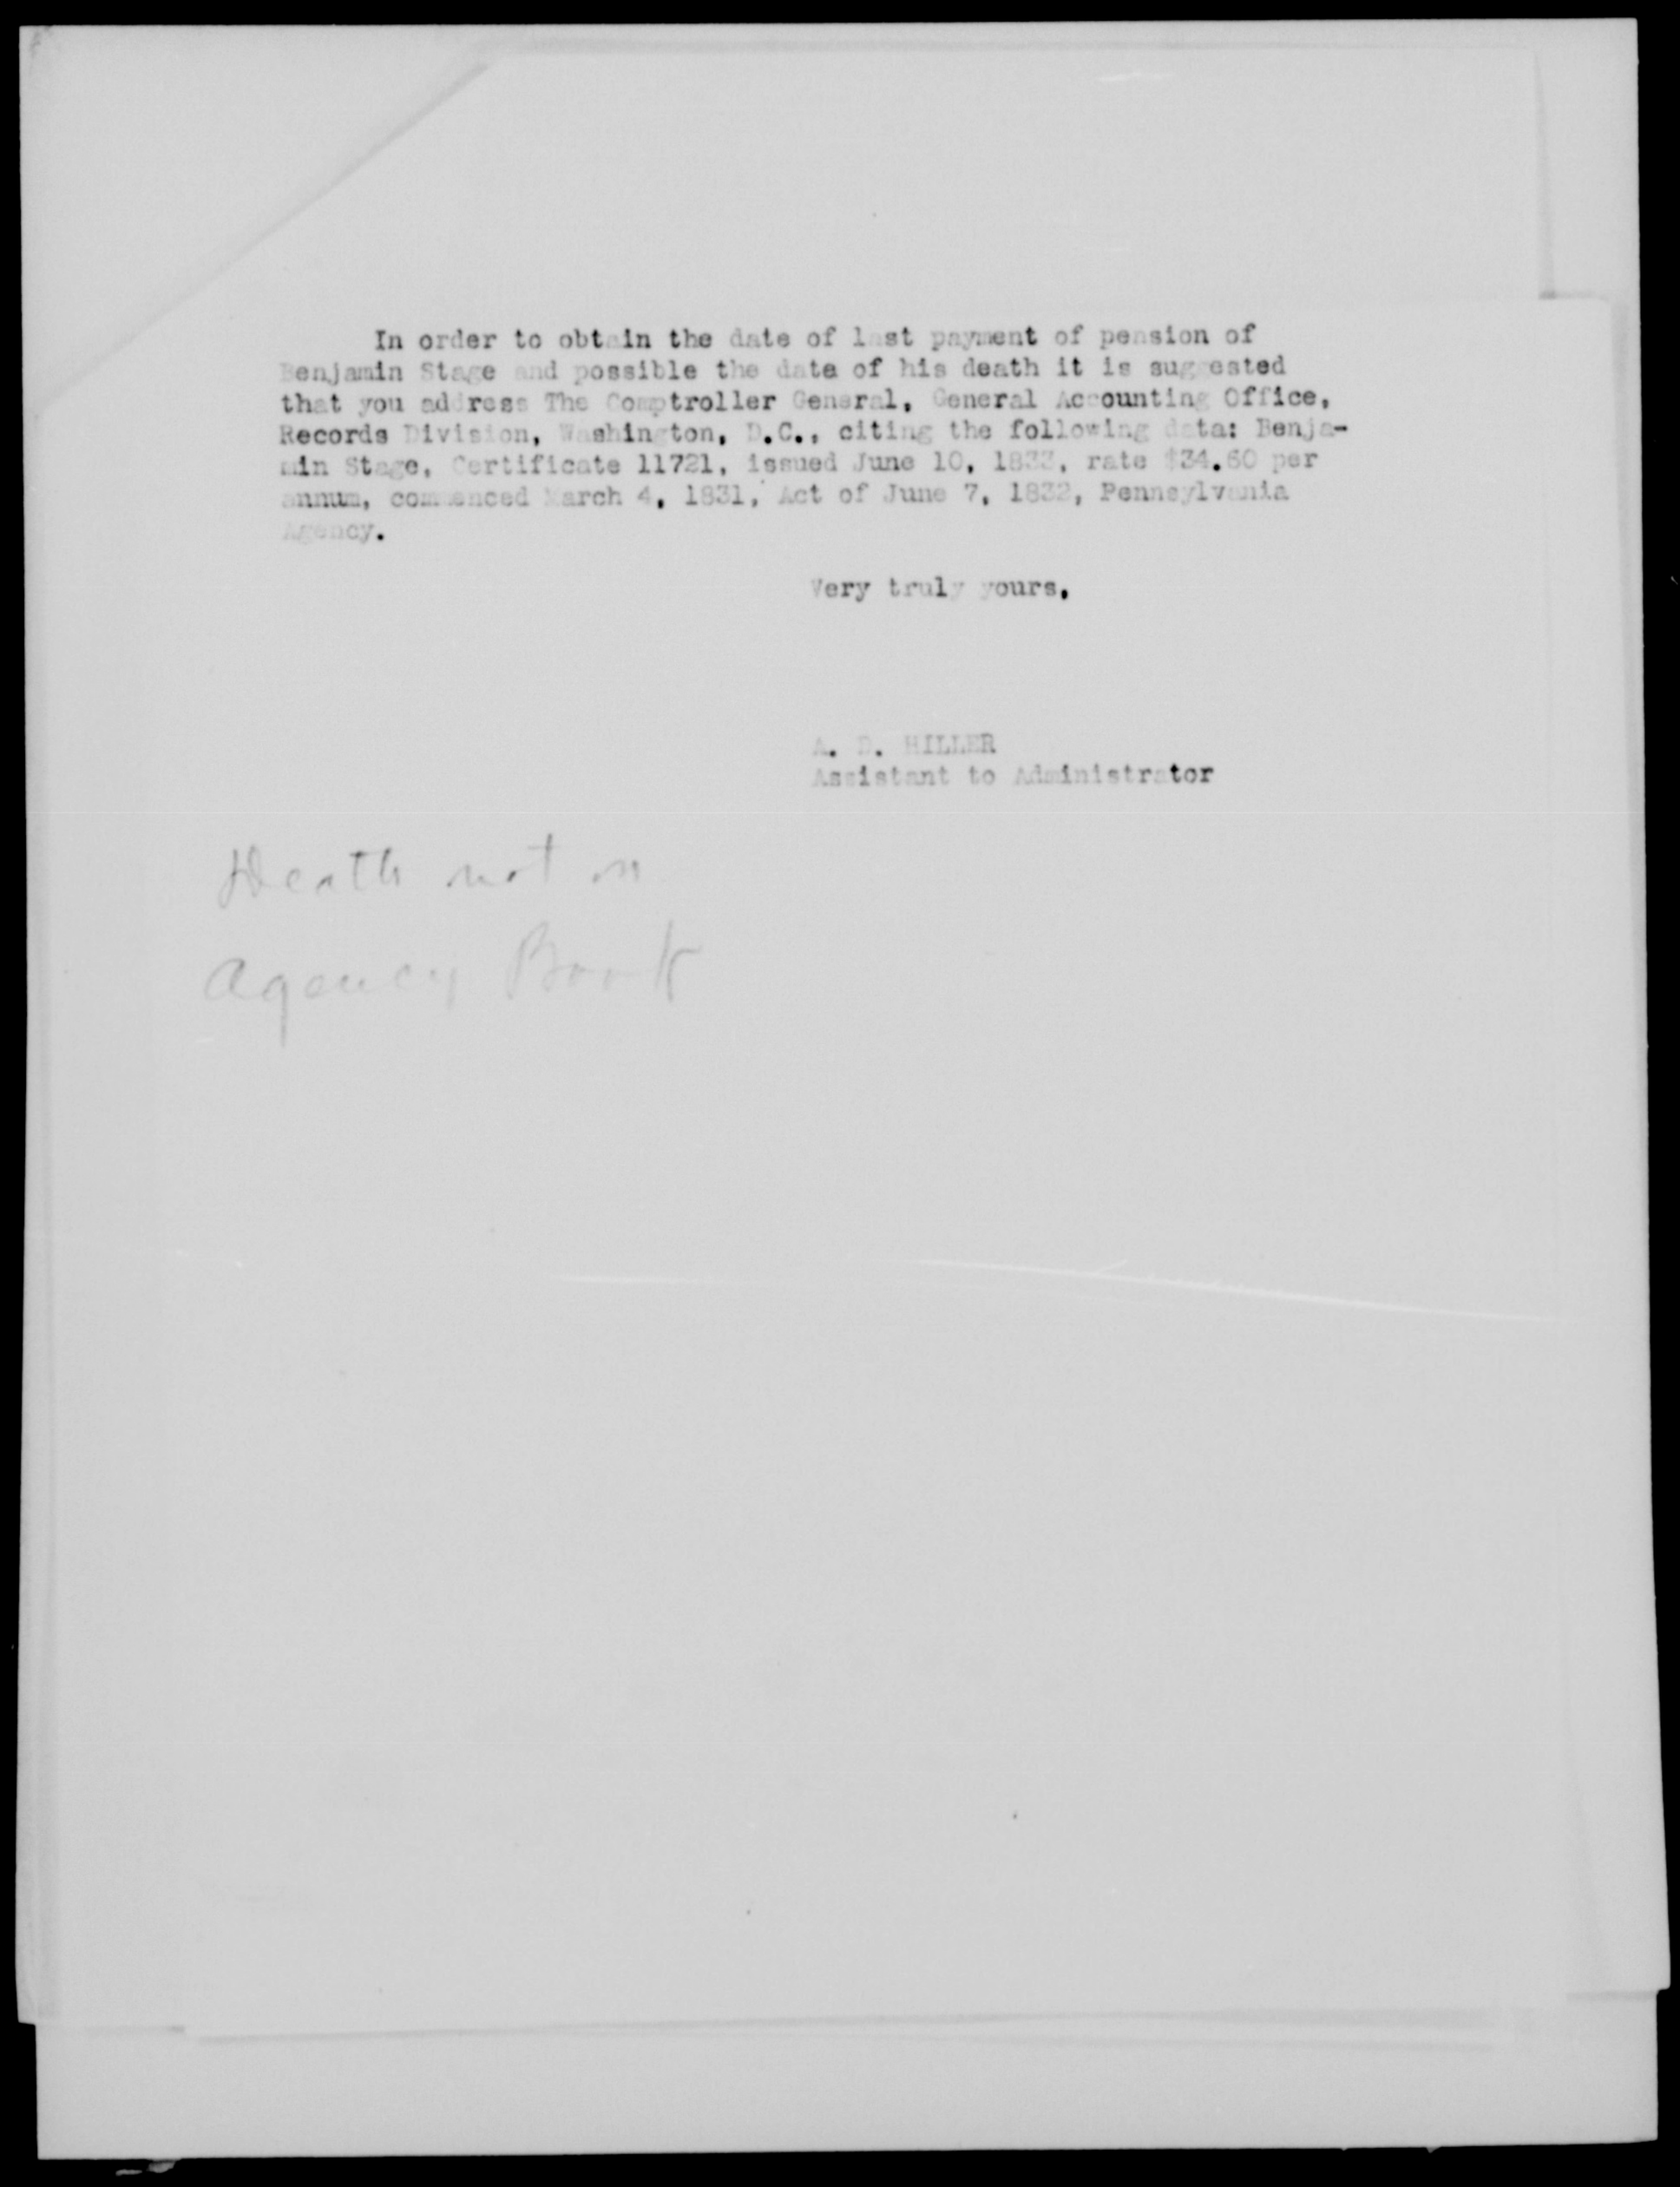In order to obtains the date of last payment of pension of Benjamin Stage and possible the date of his death it is suggested that you address  The Comptroller General, General Accounting Office, Records Division, Washington, D.C., citing the following data:  Benjamin Stage, Certificate 11721, issued June 10, 1833, rate $34.60 per annum, commenced March 4, 1831, Act of June 7, 1832, Pennsylvania Agency. 
Very truly yours,
A.D. Hiller
Assistant to Administrator

Death  not on Agency Book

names: A D Hiller; Benjamin Stage; Benjamin Stage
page: 13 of 23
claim: survivor's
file: S. 23008, for Benjamin Stage, New York